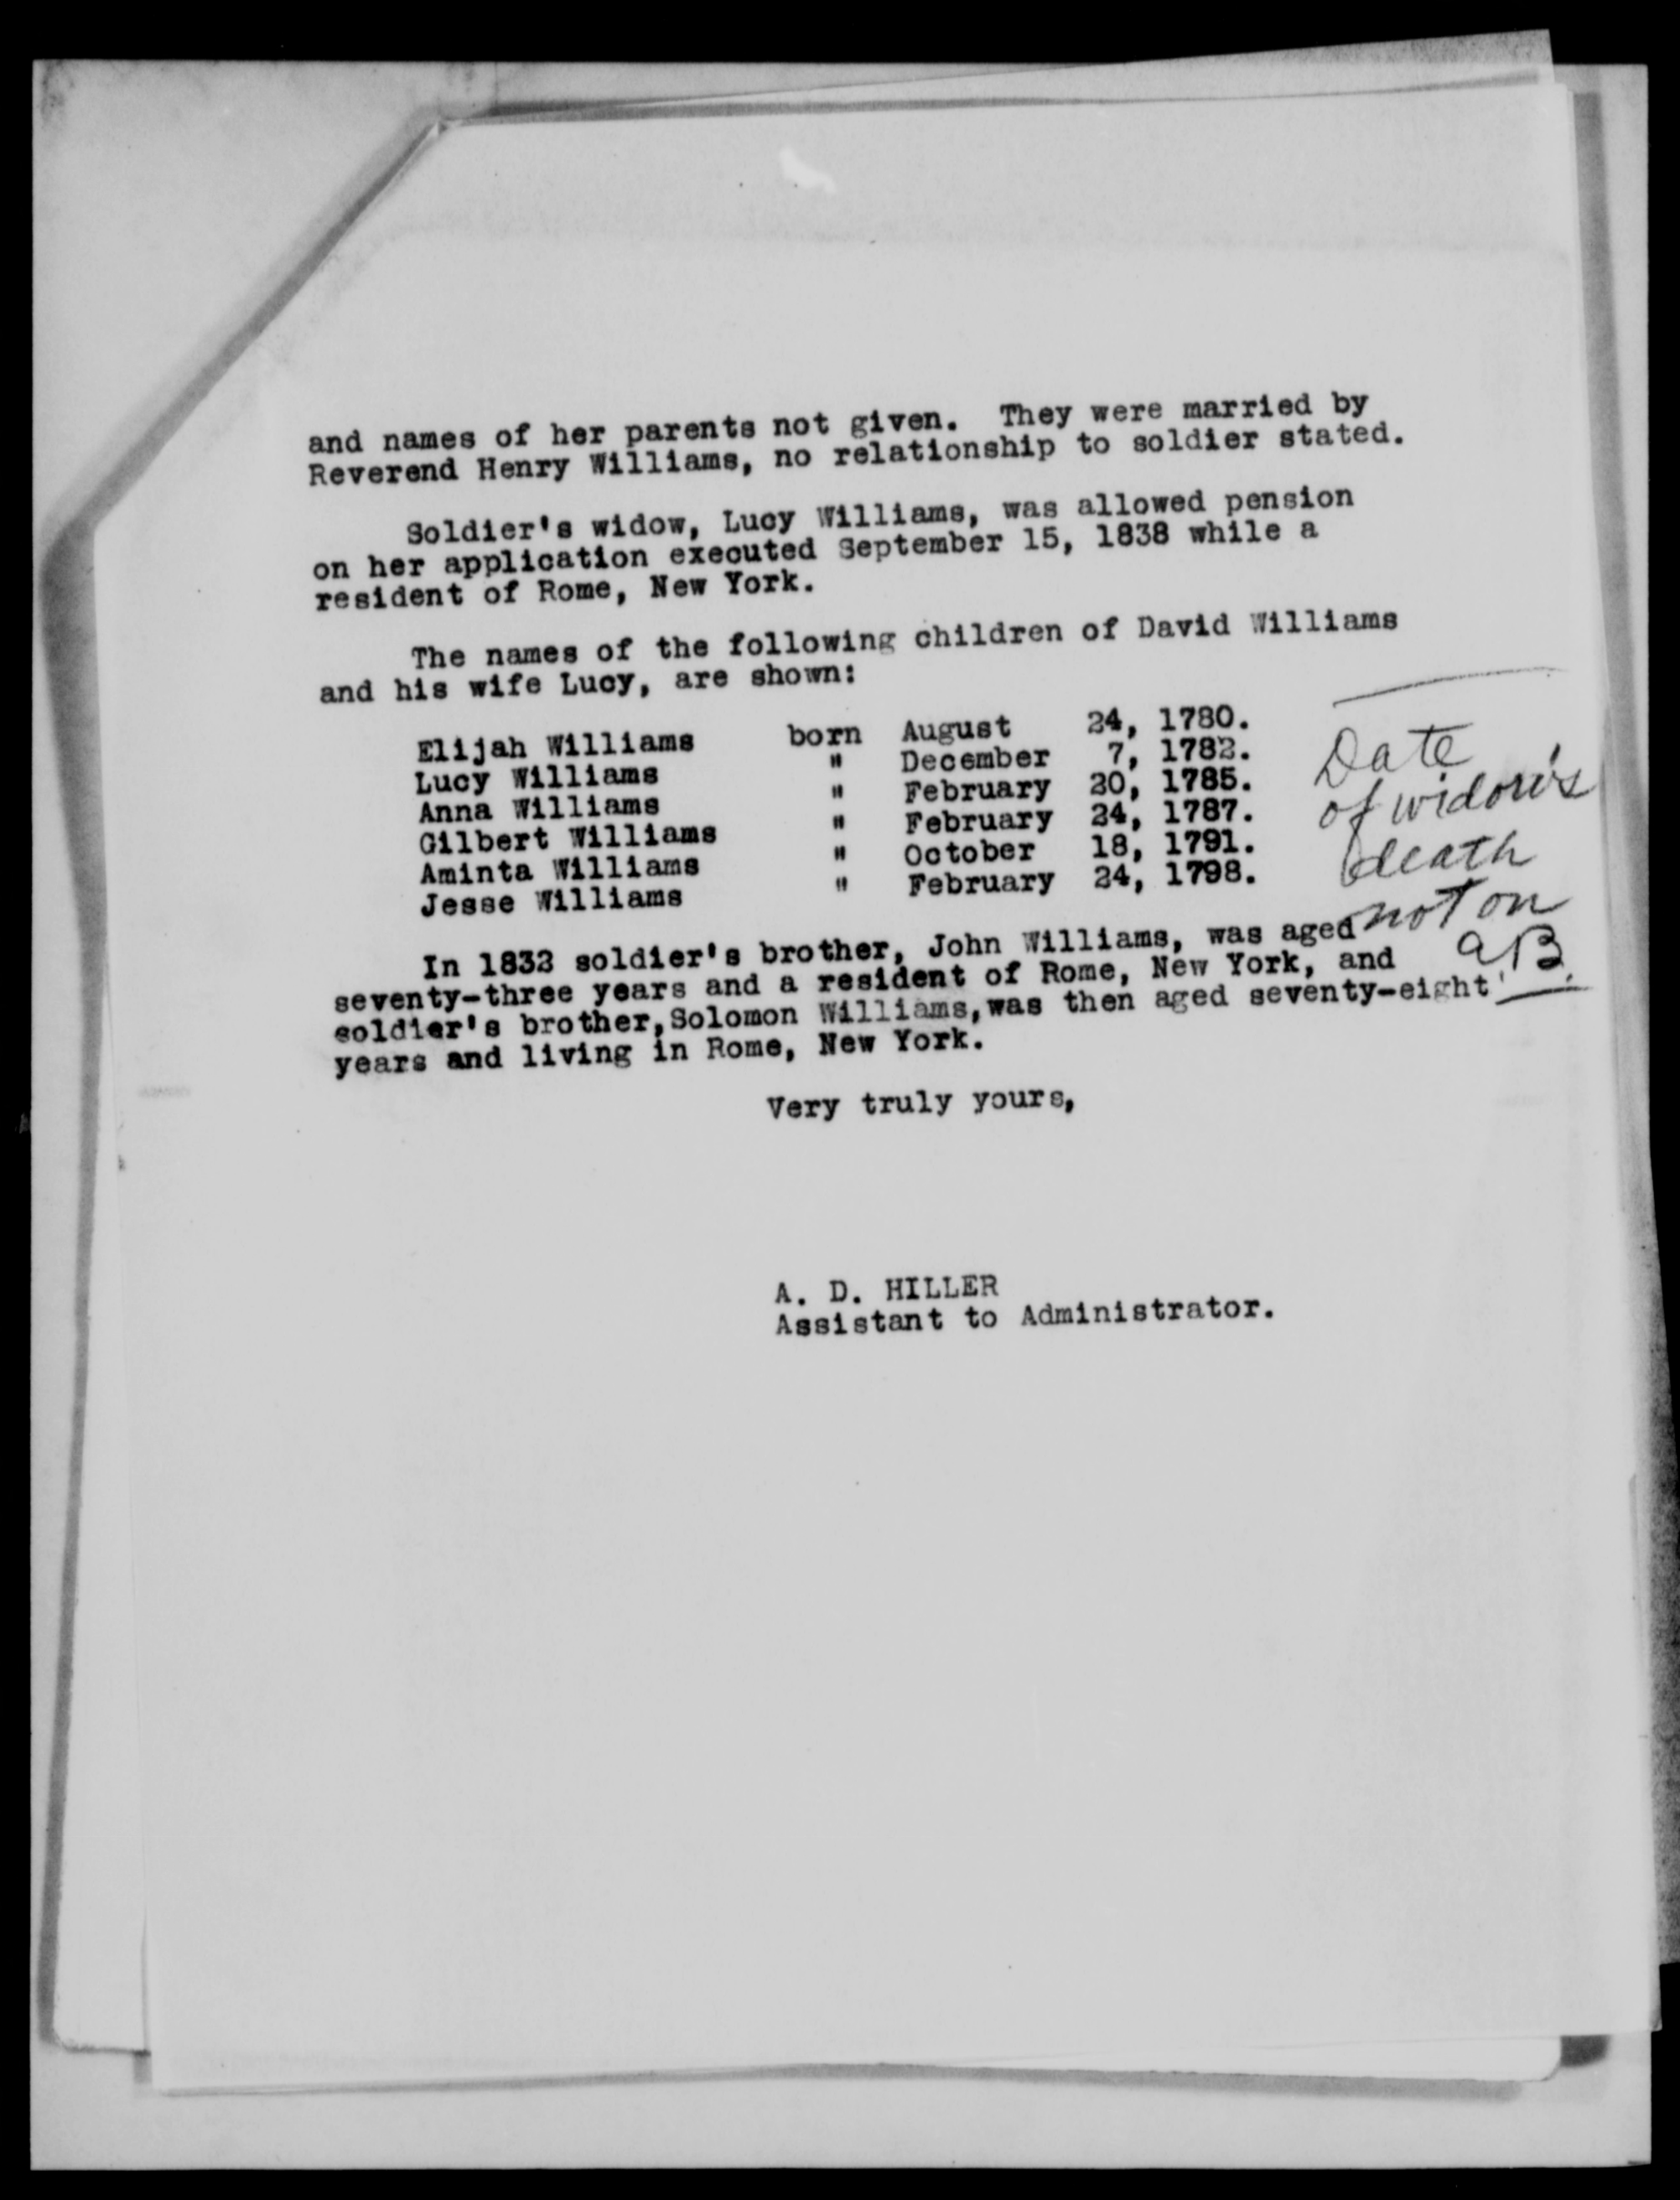and names of her parents not given. They were married by Reverend Henry Williams, no relationship to soldier stated.
Soldier's widow, Lucy Williams, was allowed pension on her application executed September 15, 1838 while a resident of Rome, New York.
The names of the following children of David Williams and his wife Lucy, are shown:
Elijah Williams  born  August 24, 1780
Lucy Williams " December 7, 1782
Anna Williams " February 20, 1785
Gilbert Williams " February 24, 1787
Aminta Williams " October 18, 1791
Jesse Williams " February 24, 1798 

Date of widow's death not on EB
In 1832 soldier's brother, John Williams, was aged seventy-three years and a resident of Rome, New York, and soldier's brother, Solomon Williams was then aged seventy-eight years and living in Rome, New York.
Very truly yours,
A. D. Hiller
Assistant to Administrator.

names: David Williams, Aminta Williams, Lucy Williams, Elijah Williams, A D Hiller, Jesse Williams, Solomon Williams, Henry Williams, Anna Williams, Gilbert Williams, John Williams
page: 62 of 63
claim: widow's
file: W. 22,632, David Williams, Conn. Continental Privateer